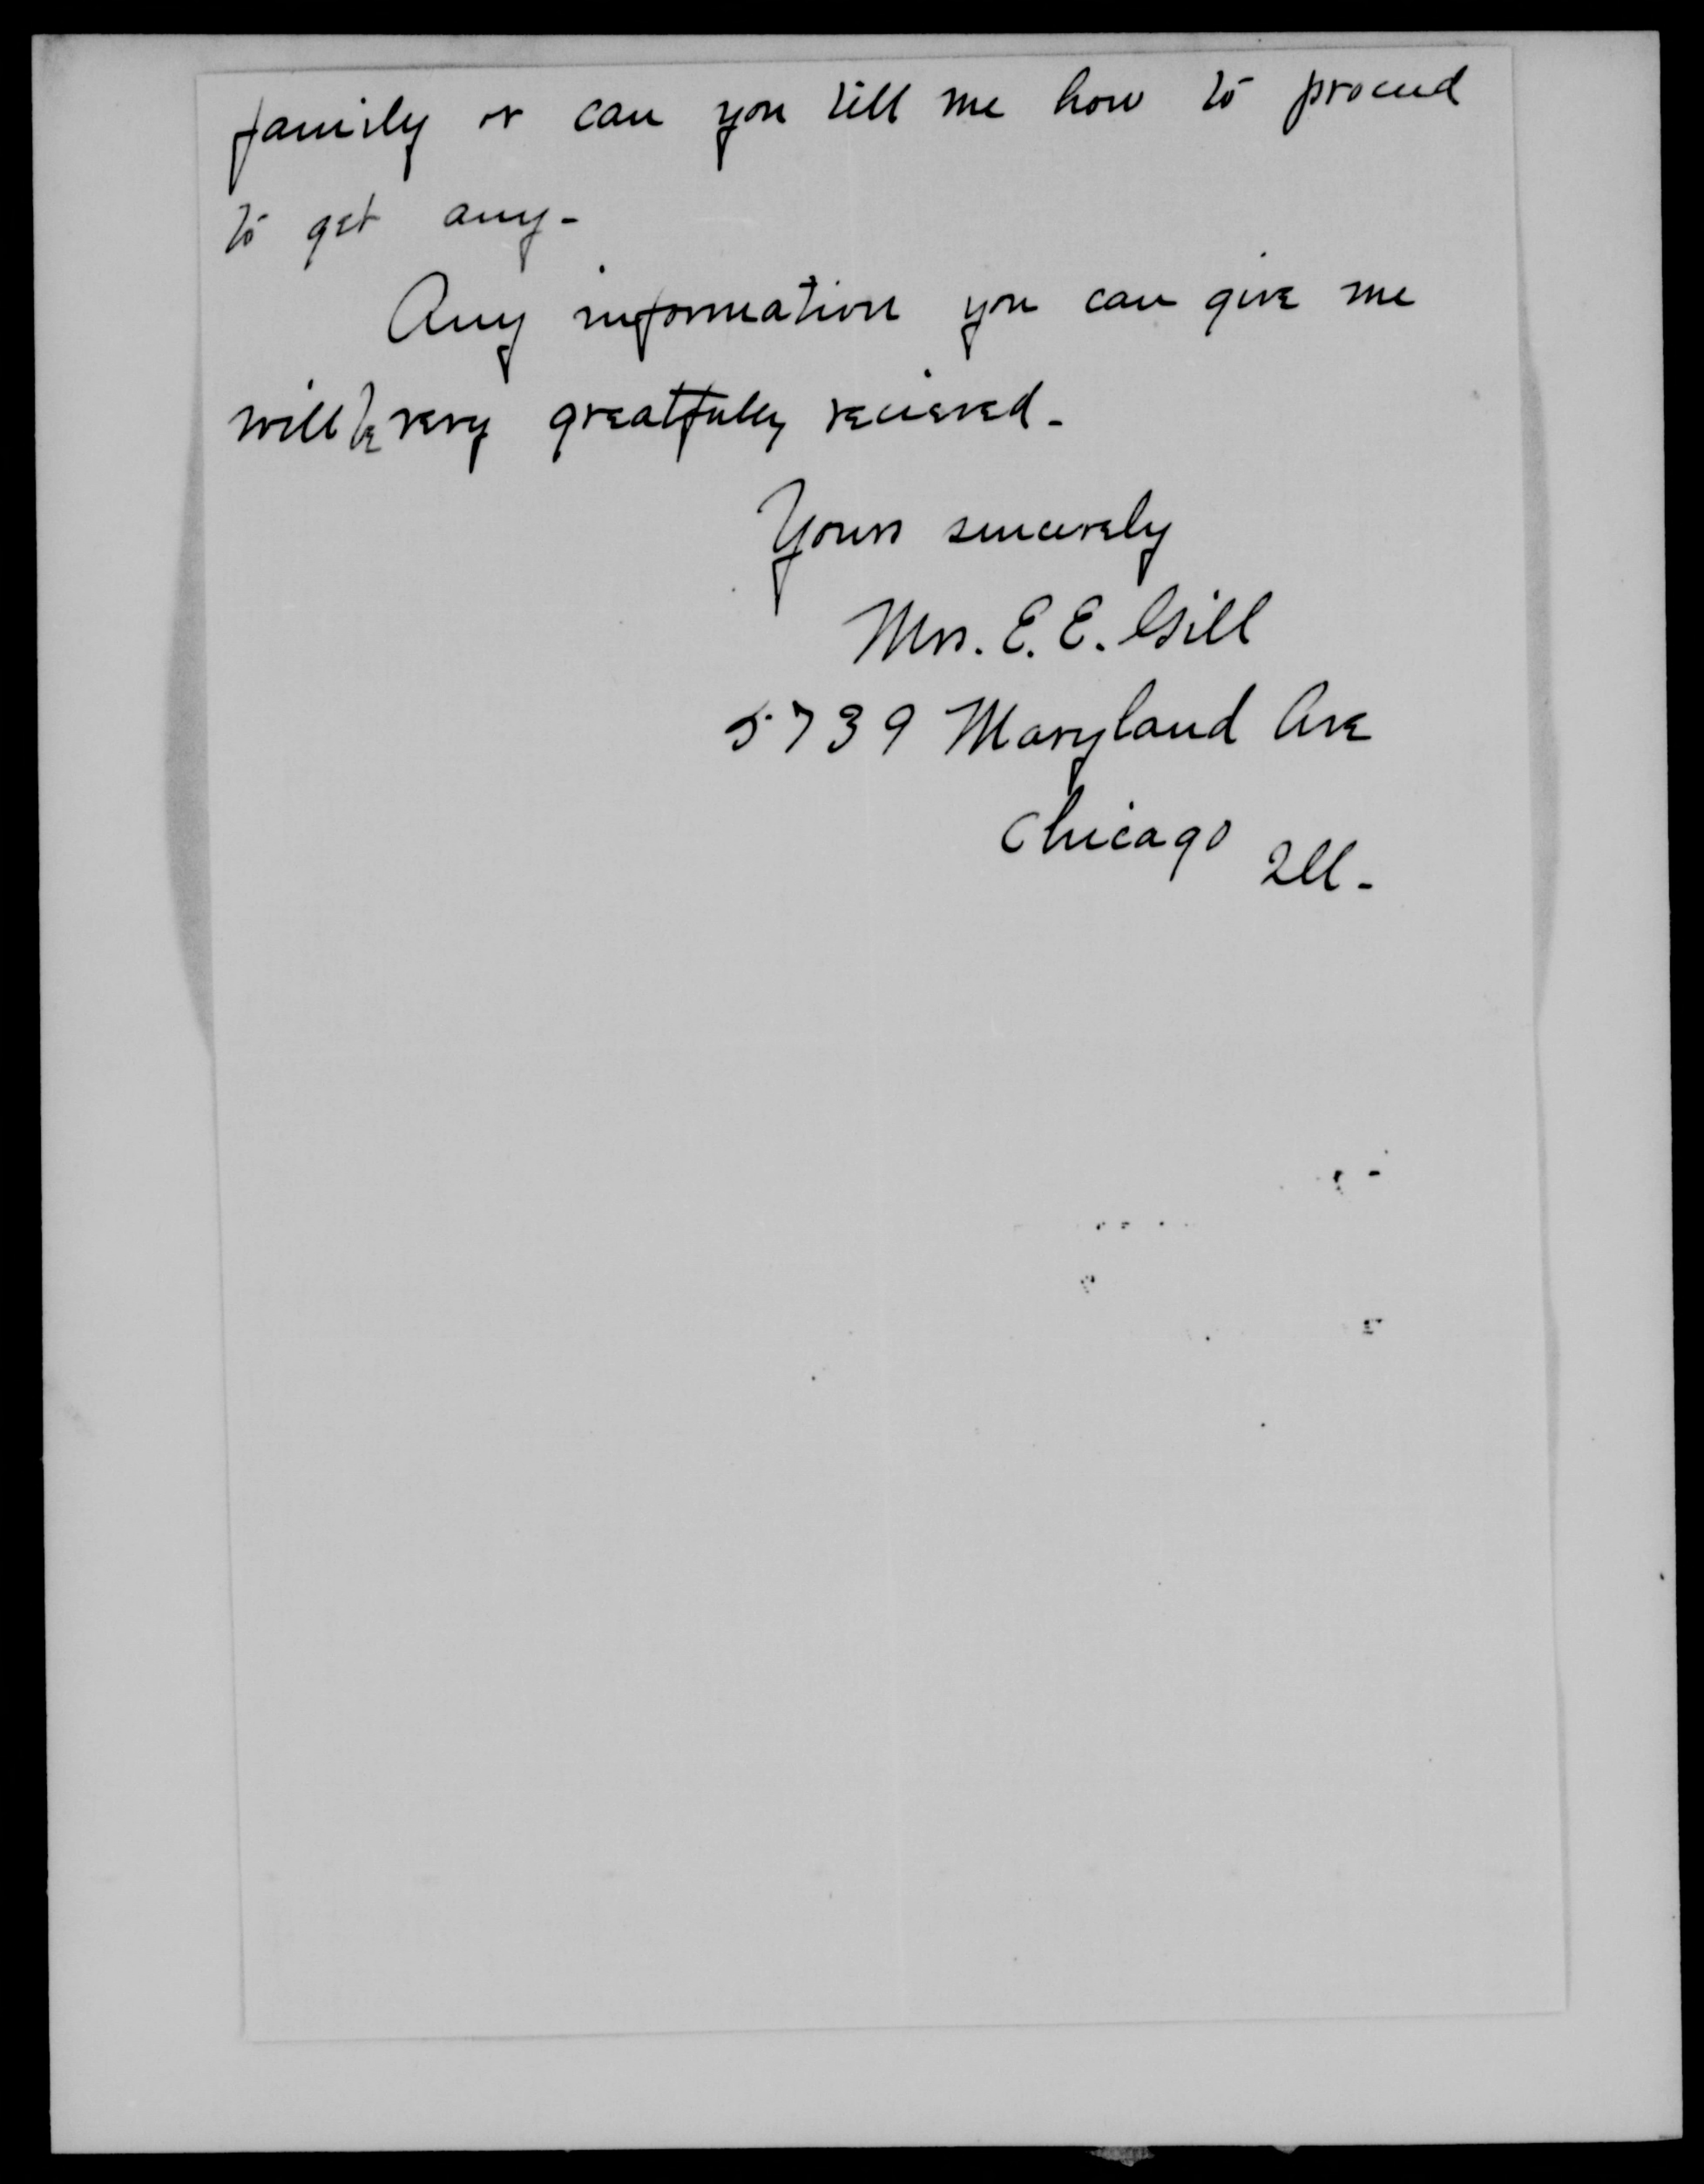family or can you tell me how to proceed to get any.
Any information you can give me will be very greatfully received.
Yours sincerely
Mrs. E.E. Gill
5739 Maryland Ave
Chicago Ill.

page: 19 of 25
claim: survivor's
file: S. 6258, for Isaac Tobin, New Jersey